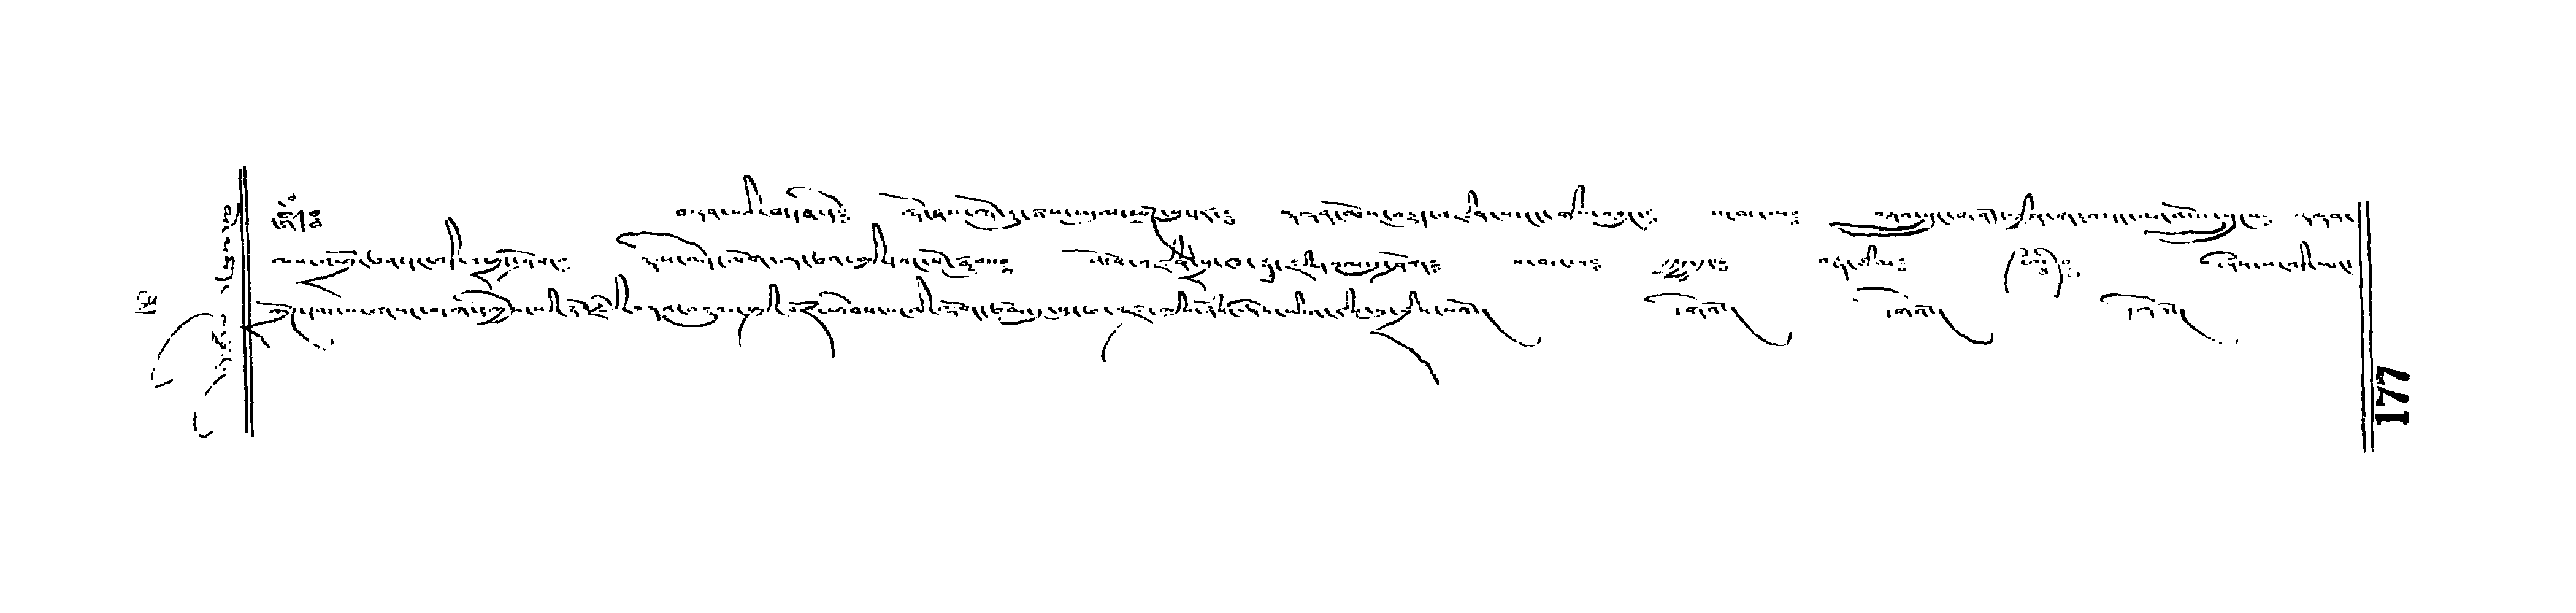བསྟན་པའི་བ་དན་དེ༔ ལྷོ་ནས་ལྷོ་རུ་སྦས་ཡུལ་ཕྱོགས་སུ་དར༔ སྐལ་ལྡན་ཆོས་བརྒྱུད་འཛིན་པ་ངང་གིས་འབྱུང༔ ས་མ་ཡ༔ བཀའ་སྲུང་གནོད་སྦྱིན་གཟའ་དང་མ་མོས་སྲུངས༔ སྐལ་ལྡན་
ལས་འཕྲོ་ཅན་དང་འདི་འཕྲད་ཤོག༔ སྐལ་མེད་ལོག་ལྟ་ཅན་གྱི་དབང་པོ་སྣུབས༔ ཆོས་འཛིན་པྲ་ཝ་དྷྭ་ཛའི་དཔལ་དུ་ཤོག༔ ས་མ་ཡ༔ རྒྱ་རྒྱ་རྒྱ༔ བརྡ་ཐིམ༔ ༔ ཞེས་པ་འདི་ཡང་
གྲོགས་དམ་པ་གསང་བདག་དགྱེས་པའི་རྡོ་རྗེའི་བཀའ་བསྐུལ་སྤྱི་བོར་ཕེབས་པ་མི་ལྡོག་ཙམ་དུ་སུ་ཁ་བཛྲ་གྱིས་ཉམས་ཆོས་ཡིག་རིས་སུ་བྲིས་པའོ།། དགེའོ།།